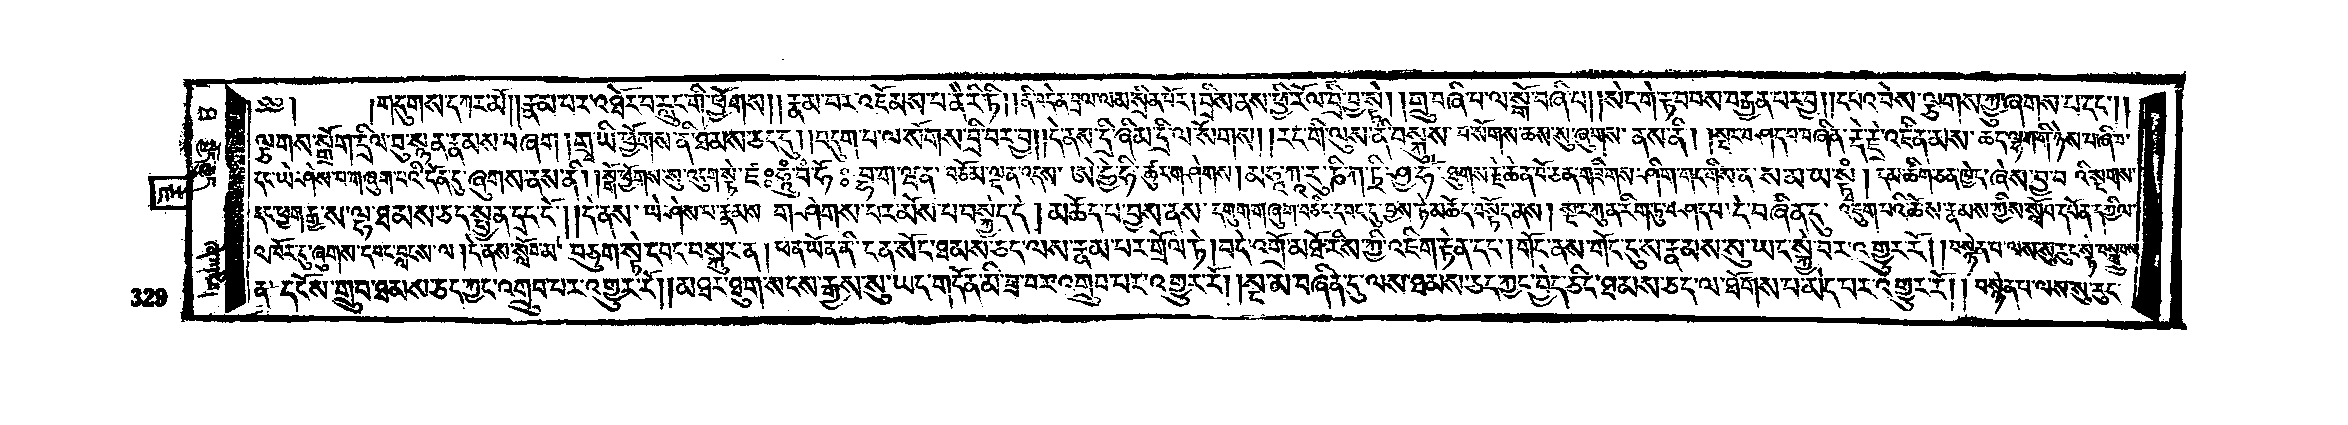༄༅། །གདུགས་དཀར་མོ། །རྣམ་པར་འཐོར་བ་རླུང་གི་ཕྱོགས། །རྣམ་པར་འཇོམས་པ་ནཻ་རི་ཏི། །ནི་བདེན་བྲལ་ལམ་སྲིན་པོར།  བྲིས་ནས་ཕྱི་རོལ་བྲི་བྱ་སྟེ། །གྲུ་བཞི་པ་ལ་སྒོ་བཞི་པ། །སེང་གེ་རྟ་བབས་བརྒྱན་པར་བྱ། །དཔའ་བོས་ལྕགས་ཀྱུ་ཞགས་པ་དང་། །
ལྕགས་སྒྲོག་དྲིལ་བུ་སྙན་རྣམས་བཞག །གྲྭ་ཡི་ཕྱོགས་ནི་ཐམས་ཅད་དུ། །བདུག་པ་ལ་སོགས་བྲི་བར་བྱ། །དེ་ནས་དྲི་ཞིམ་དྲི་ལ་སོགས། །རང་གི་ལུས་ནི་བསྐུས་བ་སོགས་ཆས་སུ་ཞུགས་ནས་ནི། །སྔར་བཤད་པ་བཞིན་རྡོ་རྗེ་འཛིན་མས་ཆད་ལྷག་གི་ཉེས་བཞི་བ་
དང་ཡེ་ཤེས་པ་གཞུག་པའི་དོན་དུ་ཞུགས་ནས་ནི། །སྒོ་ཕྱོགས་སུ་འདུག་སྟེ་ཛཿ ཧཱུཾ་བཾ་ཧོཿ བྷ་ག་ཝན་བཅོམ་ལྡན་འདས་ཨེ་ཧྱེ་ཧི་ཚུར་གཤེགས།  མཧཱ་ཀཱ་རུ་ཎི་ཀ་ཏྲི་ཤྱ་ཧོ་ཐུགས་རྗེ་ཆེན་པོ་ཅན་གཟིགས་ཤིག་གང་གིས་ན་ས་མ་ཡ་སྟཾ། དམ་ཚིག་ཅན་ཁྱེད་ཞེས་བྱ་བའི་སྔགས་
དང་ཕྱག་རྒྱ་ས་ལྷ་ཐམས་ཅད་སྤྱན་དྲང་ངོ། །དེ་ནས་ཡེ་ཤེས་པ་རྣམས་གཤེགས་པར་མོས་པ་བསྐྱེད་དེ། མཆོད་པ་བྱས་ནས་དགུག་གཞུག་བཅིང་དབང་དུ་བྱས་ཏེ་མཆོད་བསྟོད་ནས། སྔར་ཀུན་རིག་ཏུ་བཤད་པ་དེ་བཞིན་དུ་འཇུག་པའི་ཆོས་རྣམས་ཀྱིས་སློབ་དཔོན་དཀྱིལ་
འཁོར་དུ་ཞུགས་དབང་བླངས་ལ། དེ་ནས་སློབ་མ་བཅུག་སྟེ་དབང་བསྐུར་ན། ཕན་ཡོན་ནི་ངན་སོང་ཐམས་ཅད་ལས་རྣམ་པར་གྲོལ་ཏེ། བདེ་འགྲོ་མཐོ་རིས་ཀྱི་འཇིག་རྟེན་དང་། གོང་ནས་གོང་དུ་ས་རྣམས་སུ་ཡང་སྐྱེ་བར་འགྱུར་རོ། །བསྙེན་པ་ལས་སུ་རུང་སྟེ་བསྒྲུབས་
ན་དངོས་གྲུབ་ཐམས་ཅད་ཀྱང་འགྲུབ་པར་འགྱུར་རོ། །མཐར་ཐུག་སངས་རྒྱས་སུ་ཡང་གདོན་མི་བྲ་བར་འགྲུབ་པར་འགྱུར་རོ། །སྔ་མ་བཞིན་དུ་ལས་ཐམས་ཅད་ཀྱང་བྱེད་ཅིང་ཐམས་ཅད་ལ་ཐོགས་པ་མེད་པར་འགྱུར་རོ། །བསྙེན་པ་ལས་སུ་རུང་